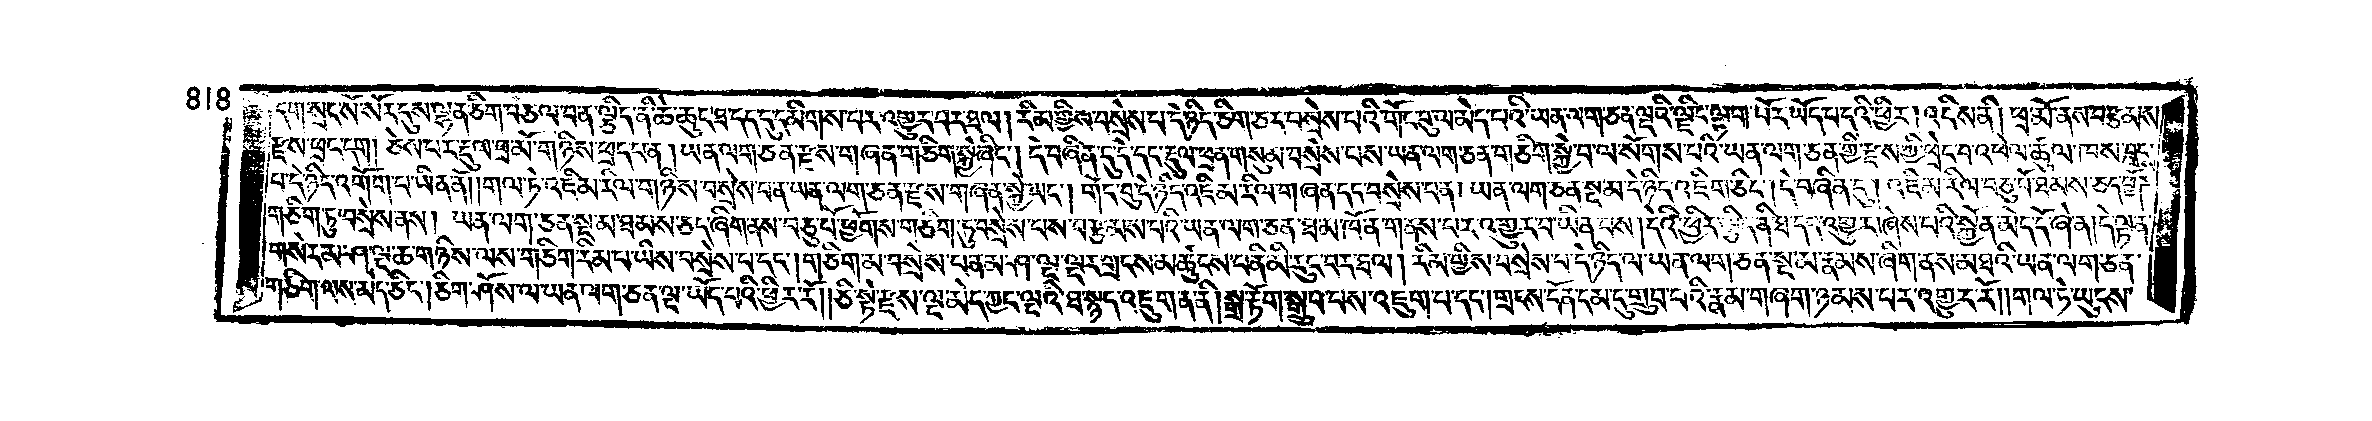དག་སྲང་སོ་སོར་དུས་ལྷན་ཅིག་བཅལ་བ་ན་ལྕིད་ནི་ཆེ་ཆུང་ཐ་དད་དུ་དམིགས་པར་འགྱུར་བར་ཐལ། རིམ་གྱིས་བསྲེས་པ་དེ་ཉིད་ཅིག་ཅར་བསྲེས་པའི་གོང་བུ་ལ་མེད་པའི་ཡན་ལག་ཅན་ལྔའི་ལྗིད་ལྷག་པོར་ཡོད་པ་དེའི་ཕྱིར། འདིས་ནི། ཕྲ་མོ་ནས་བརྩམས་
རྫས་ཕྲད་དག །ཅེས་པར་རྡུལ་ཕྲ་མོ་གཉིས་ཕྲད་པ་ན། ཡན་ལག་ཅན་རྫས་གཞན་གཅིག་སྐྱེ་ཞིང་། དེ་བཞིན་དུ་དེ་དང་རྡུལ་ཕྲན་གསུམ་བསྲེས་པས་ཡན་ལག་ཅན་གཅིག་སྐྱེ་བ་ལ་སོགས་པའི་ཡན་ལག་ཅན་གྱི་རྫས་ཀྱི་ཕྲེང་བ་འཕེལ་ཚུལ་ཁས་བླངས་
པ་དེ་ཉིད་འགོག་པ་ཡིན་ནོ། །གལ་ཏེ་འཇིམ་རིལ་གཉིས་བསྲེས་པ་ན་ཡན་ལག་ཅན་རྫས་གཞན་སྐྱེ་ཡང་། གོང་བུ་དེ་ཉིད་འཇིམ་རིལ་གཞན་དང་བསྲེས་པ་ན། ཡན་ལག་ཅན་སྔ་མ་དེ་ཉིད་འཇིག་ཅིང་། དེ་བཞིན་དུ། འཇིམ་རིལ་བཅུ་པོ་ཐམས་ཅད་ཕྱོགས་
གཅིག་ཏུ་བསྲེས་ནས། ཡན་ལག་ཅན་སྔ་མ་ཐམས་ཅད་ཞིག་ནས་བཅུ་པོ་ཕྱོགས་གཅིག་ཏུ་བསྲེས་པས་བརྩམས་པའི་ཡན་ལག་ཅན་ཐ་མ་ཁོ་ན་གནས་པར་འགྱུར་བ་ཡིན་པས། དེའི་ཕྱིར་ལྕིད་ནི་ཐ་དད་འགྱུར། ཞེས་པའི་སྐྱོན་མེད་དོ་ཞེ་ན། དེ་ལྟ་ན་
གསེར་མ་ཤ་ལྔ་ཆ་གཉིས་ལས་གཅིག་རིམ་པ་ཡིས་བསྲེས་པ་དང་། གཅིག་མ་བསྲེས་པ་ན་མ་ཤ་ལྔ་ལྔར་གྲངས་མཚུངས་པ་ནི་མི་རུང་བར་ཐལ། རིམ་གྱིས་བསྲེས་པ་དེ་ཉིད་ལ་ཡན་ལག་ཅན་སྔ་མ་རྣམས་ཞིག་ནས་མཐའི་ཡན་ལག་ཅན་
གཅིག་ལས་མེད་ཅིང་། ཅིག་ཤོས་ལ་ཡན་ལག་ཅན་ལྔ་ཡོད་པའི་ཕྱིར་རོ། །ཅི་སྟེ་རྫས་ལྔ་མེད་ཀྱང་ལྔའི་ཐ་སྙད་འཇུག་ན་ནི། སྒྲ་རྟོག་སྒྲུབ་པས་འཇུག་པ་དང་། གྲངས་དོན་དམ་དུ་གྲུབ་པའི་རྣམ་གཞག་ཉམས་པར་འགྱུར་རོ། །གལ་ཏེ་ཡུངས་